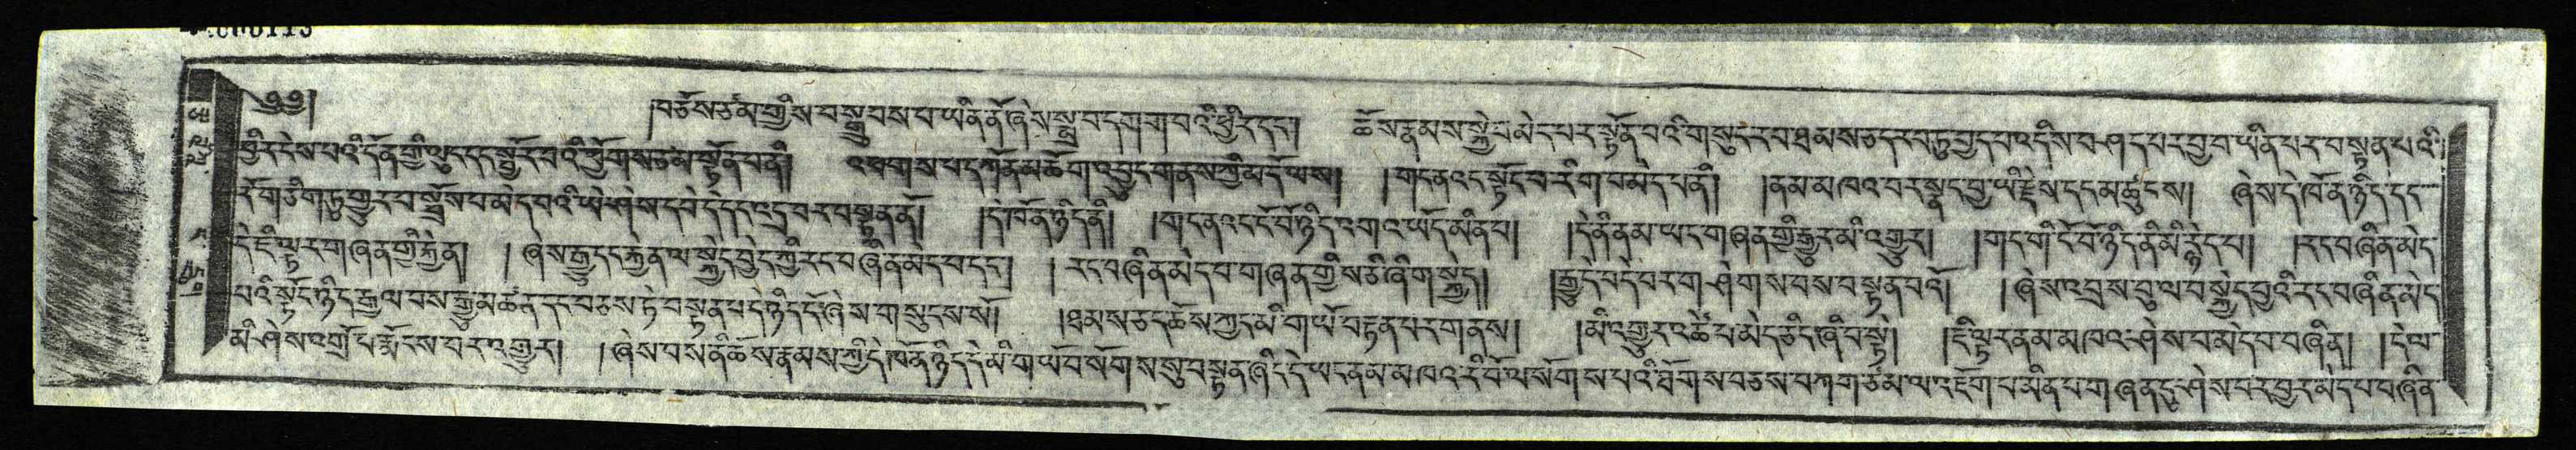༄༅། །བཅོས་ཙམ་གྱིས་བསྒྲུབས་པ་ཡིན་ནོ་ཞེས་སྨྲ་བ་དགག་པའི་ཕྱིར་དང་། ཆོས་རྣམས་སྐྱེ་བ་མེད་པར་སྟོན་པའི་གསུང་རབ་ཐམས་ཅད་རབ་ཏུ་བྱད་པ་འདིས་བཤད་པར་བྱ་བ་ཡིན་པར་བསྟན་པའི་
ཕྱིར་ངེས་པའི་དོན་གྱི་ལུང་དང་སྦྱོར་བའི་ཕྱོགས་ཙམ་སྟོན་པ་ནི། འཕགས་པ་དཀོན་མཆོག་འབྱུང་གནས་ཀྱི་མདོ་ལས། །གང་ནའང་སྟོང་པ་རིག་པ་མེད་པ་ནི། །ནམ་མཁའ་བར་སྣང་བྱ་ཡི་རྗེས་དང་མཚུངས། ཞེས་དེ་ཁོ་ན་ཉིད་དང་
རོ་གཅིག་ཏུ་གྱུར་པ་སྤྲོས་པ་མེད་པའི་ཡེ་ཤེས་དཔེ་དེ་དང་འདྲ་བར་བསྟན་ནོ། །དེ་ཁོ་ན་ཉིད་ནི། །གང་ནའང་ངོ་བོ་ཉིད་འགའ་ཡོད་མིན་པ། །དེ་ནི་ནམ་ཡང་གཞན་གྱི་རྒྱུར་མི་འགྱུར། །གང་གི་ངོ་བོ་ཉིད་ནི་མི་རྙེད་པ། །རང་བཞིན་མེད་
དེ་ཇི་ལྟར་གཞན་གྱི་རྐྱེན། །ཞེས་རྒྱུ་དང་རྐྱེན་ལ་སྐྱེད་བྱེད་ཀྱི་རང་བཞིན་མེད་པ་དང་། །རང་བཞིན་མེད་པ་གཞན་གྱིས་ཅི་ཞིག་སྐྱེད། །རྒྱུ་དེ་བདེ་བར་གཤེགས་པས་བསྟན་པའོ། །ཞེས་འབྲས་བུ་ལ་བསྐྱེད་བྱའི་རང་བཞིན་མེད་
པའི་སྟོང་ཉིད་རྒྱལ་བས་རྒྱུ་མཚན་དང་བཅས་ཏེ་བསྟན་པ་དེ་ཉིད་དོ་ཞེས་གསུངས་སོ། །ཐམས་ཅད་ཆོས་ཀྱང་མི་གཡོ་བརྟན་པར་གནས། །མི་འགྱུར་འཚེ་བ་མེད་ཅིང་ཞི་བ་སྟེ། །ཇི་ལྟར་ནམ་མཁའ་ཤེས་པ་མེད་པ་བཞིན། །དེ་ལ་
མི་ཤེས་འགྲོ་བ་རྨོངས་བར་འགྱུར། །ཞེས་པས་ནི་ཆོས་རྣམས་ཀྱི་དེ་ཁོ་ན་ཉིད་དེ་མི་གཡོ་བ་སོགས་སུ་བསྟན་ཞིང་དེ་ཡང་ནམ་མཁའ་རི་བོ་ལ་སོགས་པའི་ཐོགས་བཅས་བཀག་ཙམ་ལ་འཇོག་པ་མིན་པ་གཞན་དུ་ཤེས་པར་བྱར་མེད་པ་བཞིན་